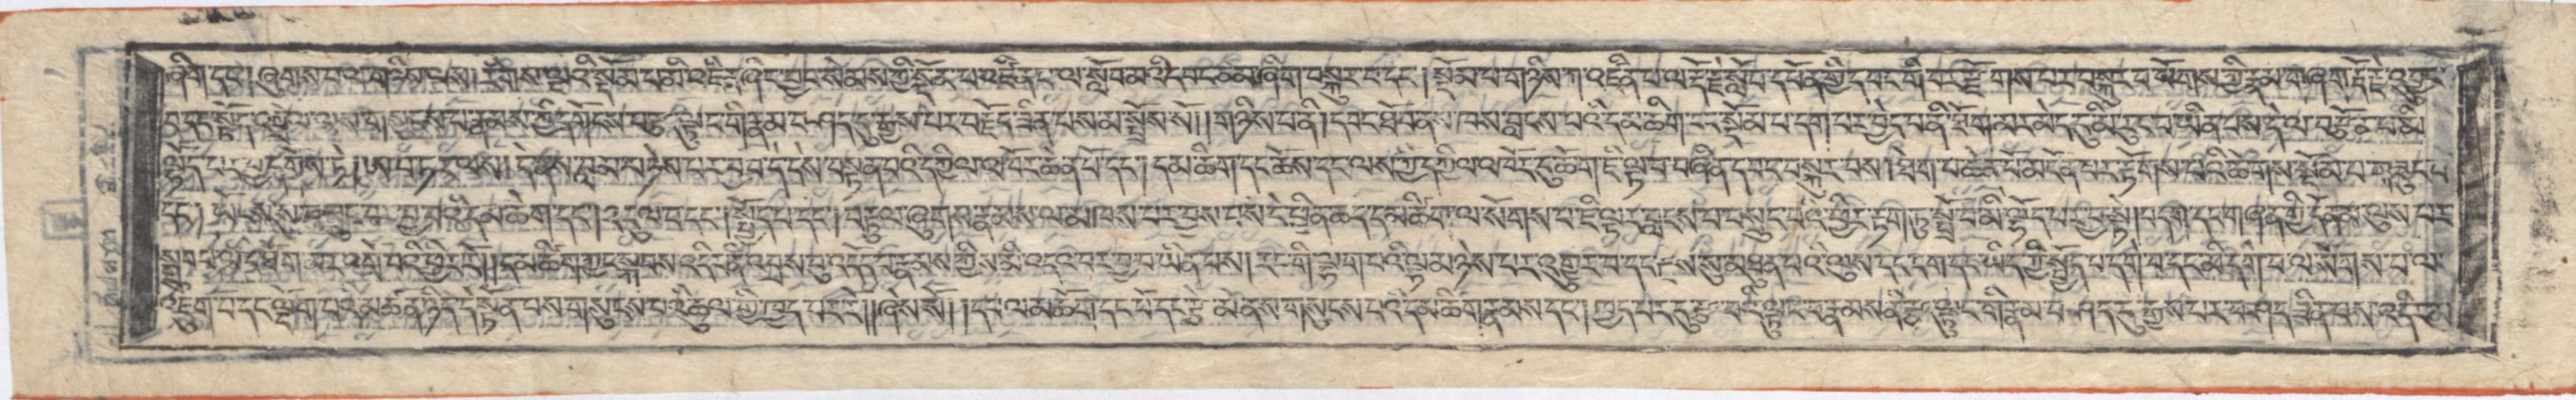ཞིག་དང་། ཞུགས་པ་ལ་གཉིས་ལས། རིགས་ལྔའི་སྡོམ་པ་མི་འཛིན་ཞིང་བྱང་སེམས་ཀྱི་སྡོམ་པ་འཛིན་པ་ལ་སློབ་མའི་དབང་ཙམ་ཞིག་བསྐུར་བ་དང་། སྡོམ་པ་གཉིས་ཀ་འཛིན་པ་ལ་རྡོ་རྗེ་སློབ་དཔོན་གྱི་དབང་གི་བར་རྫོགས་པར་བསྐུར་བ་སོགས་ཀྱི་རྣམ་གཞག་རྡོ་རྗེ་འབྱུང་
བ་དང་སྟོད་འབྲེལ་ལས་གསུངས་པ་རྣམས་ཀྱི་དགོངས་པ་རྩ་ལྟུང་གི་རྣམ་བཤད་དུ་རྒྱས་པར་བརྗོད་ཟིན་པས་མ་སྤྲོས་སོ། །གཉིས་པ་ནི། དབང་ཐོབ་ནས་ཁས་བླངས་པའི་དམ་ཚིག་དང་སྡོམ་པ་དག་པར་བྱེད་པ་ནི་ཐོག་མར་མེད་དུ་མི་རུང་བ་ཡིན་པས་དེ་ལ་བརྩོན་པ་མི་
ལྷོད་པར་བྱ་དགོས་ཏེ། ཨ་བ་ཏར་ལས། དེ་ནས་བླ་མ་མཉེས་པར་བྱ་བ་དེ་དེས་བསྟན་པའི་དཀྱིལ་འཁོར་ཆེན་པོ་དང་། དམ་ཚིག་དང་ཆོས་དང་ལས་ཀྱི་དཀྱིལ་འཁོར་དུ་ཆོ་ག་ཇི་ལྟ་བ་བཞིན་དབང་བསྐུར་བས། ཐེག་པ་ཆེན་པོ་མངོན་པར་རྟོགས་པའི་ཆོ་གས་སྡོམ་པ་གཟུང་བ་
དང༑ ཡོངས་སུ་བསྲུང་བར་བྱ་བའི་དམ་ཚིག་དང་། འདུལ་བ་དང་། སྤྱོད་པ་དང་། བརྟུལ་ཞུགས་རྣམས་ལ་མཁས་པར་བྱས་པས་དེ་ཕྱིན་ཆད་དམ་ཚིག་ལ་སོགས་པ་ཇི་ལྟར་བླངས་པ་བསྲུང་བའི་ཕྱིར་རྟག་ཏུ་སྤྲོ་བ་མི་ལྷོད་པར་བྱ་སྟེ། བདག་དང་གཞན་གྱི་དོན་མ་ལུས་པར་
སྒྲུབ་པ་ལ་དེ་ཐོག་མར་འགྲོ་བའི་ཕྱིར་རོ། །དམ་ཚིག་ཀྱང་སྐབས་འདིར་ནི་འབྲས་བུ་འདོད་པ་རྣམས་ཀྱིས་མི་འདའ་བར་བྱ་བ་ཡིན་པས། རང་གི་ལྷག་པའི་ལྷ་མཉེས་པར་འགྱུར་བ་དང་རྗེས་སུ་མཐུན་པའི་ལུས་དང་ངག་དང་ཡིད་ཀྱི་སྤྱོད་པ་དགེ་བ་དང་མི་དགེ་བ་ལ་སོགས་པ་ལ་
འཇུག་པ་དང་ལྡོག་པའི་མཚན་ཉིད་དེ་སྟོན་པས་གསུངས་པའི་ཚུལ་གྱི་ཁྱད་པར་རོ། །ཞེས་སོ། །དཔལ་མཆོག་དང་པོ་དང་རྩེ་མོ་ནས་གསུངས་པའི་དམ་ཚིག་རྣམས་དང་། ཁྱད་པར་དུ་རྩ་བའི་ལྟུང་བ་རྣམས་ནི་རྩ་ལྟུང་གི་རྣམ་བཤད་དུ་རྒྱས་པར་བཤད་ཟིན་པས་འདིར་མ་